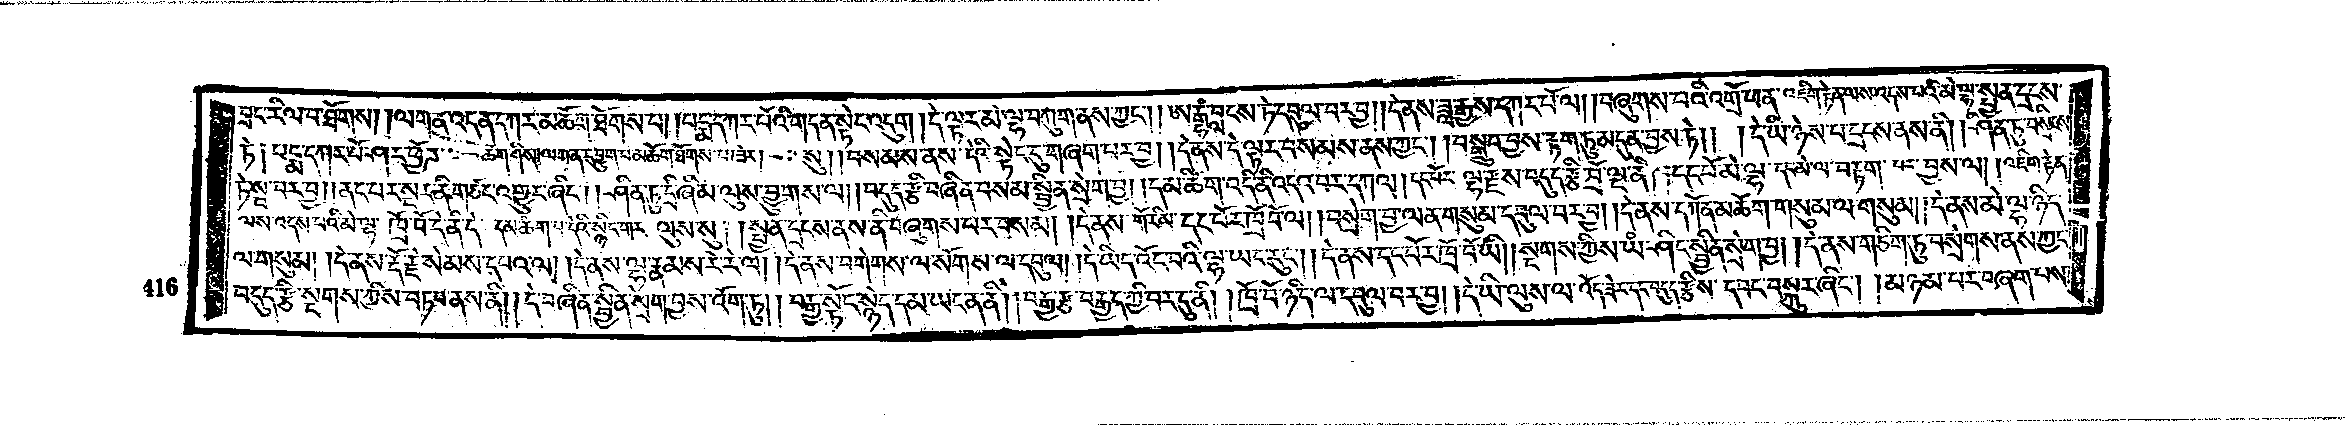བྲང་རིལ་བ་ཐོགས། །ལག་ན་འདན་དཀར་མཆོག་ཐོགས་པ། །པདམ་དཀར་པོའི་གདན་སྟེང་འདུག། དེ་ལྟར་མི་ལྷག་བཀུག་ནས་ཀྱང་། །ཨརྒྷཾ་བླངས་ཏེ་དབུལ་བར་བྱ། །དེ་ནས་ཟླ་རྒྱས་དཀར་པོ་ལ། །བཞུགས་པའི་འགྲོ་ཕན་འཇིག་རྟེན་ལས་འདས་པའི་མེ་ལྷ་སྤྱན་དྲངས་
ཏེ། པདམ་དཀར་པོ་ཤར་ཕྱོགས་H.ཆག་གིས་ལག་ན་དབྱུག་པ་མཆོག་ཐོགས་པ། ཟེར།  .Hསུ། །བསམས་ནས་དེའི་སྟེང་དུ་གཞག་པར་བྱ། །དེ་ནས་དེ་ལྟར་བསམས་ནས་ཀྱང་། །བསྒྲུབ་བྱས་རྟག་ཏུ་མདུན་བྱས་ཏེ། ། །དེ་ཡི་ཉེས་པ་དྲངས་ནས་ནི། །ཤིན་ཏུ་བསྲིངས་
ཏེ་སྦ་བར་བྱ། །ནང་པར་སྔར་ནི་གཙང་འགྱུར་ཞིང་། །ཤིན་ཏུ་དྲི་ཞིམ་ལུས་བྱུགས་ལ། །བདུད་རྩི་བཞིན་བསམ་སྦྱིན་སྲེག་བྱ། །དམ་ཚིག་འདི་ནི་འདའ་བར་དཀའ། །དང་པོར་ལྷ་རྫས་བདུད་རྩི་བྲོ་ལྔ་ནི། །དང་པོ་མེ་ལྷ་དང་མེ་ལ་བརྟག་པར་བྱས་ལ། །འཇིག་རྟེན་
ལས་འདས་པའི་མེ་ལྷ་ཁྲོ་བོ་དེ་ནི་དེ་དམ་ཚིག་པ་དེའི་སྙིང་གར་ལུས་སུ། །སྤྱན་དྲངས་ནས་ནི་བཞུགས་པར་བསམ། །དེ་ནས་གོ་རིམ་དང་པོར་ཁྲོ་བོ་ལ། །བསྲེག་བྱ་ལན་གསུམ་དབུལ་བར་བྱ། །དེ་ནས་དཀོན་མཆོག་གསུམ་ལ་གསུམ། །དེ་ནས་མེ་ལྷ་ཉིད་
ལ་གསུམ། །དེ་ནས་རྡོ་རྗེ་སེམས་དཔའ་ལ། །དེ་ནས་ལྷ་རྣམས་རེ་རེ་ལ། །དེ་ནས་བགེགས་ལ་སོགས་ལ་དབུལ། །དེ་ཡིད་འོང་བའི་ལྷ་ཡང་རུང་། །དེ་ནས་དང་པོར་ཁྲོ་བོ་ཡི། །སྔགས་ཀྱིས་ཡཾ་ཤིང་སྦྱིན་སྲེག་བྱ། །དེ་ནས་གཅིག་ཏུ་བསྲེགས་ནས་ཀྱང་
བདུད་རྩི་སྔགས་ཀྱིས་བཏབ་ནས་ནི། །དེ་བཞིན་སྦྱིན་སྲེག་བྱས་འོག་ཏུ། །བརྒྱ་སྟོང་སྙེད་དམ་ཡང་ན་ནི། །བརྒྱ་རྩ་བརྒྱད་ཀྱི་བར་དུ་ནི། །ཁྲོ་བོ་ཉིད་ལ་དབུལ་བར་བྱ། །དེ་ཡི་ལུས་ལ་འོད་ཟེར་དང་བདུད་རྩིས་དབང་བསྐུར་ཞིང་། །མཉམ་པར་བཞག་པས་